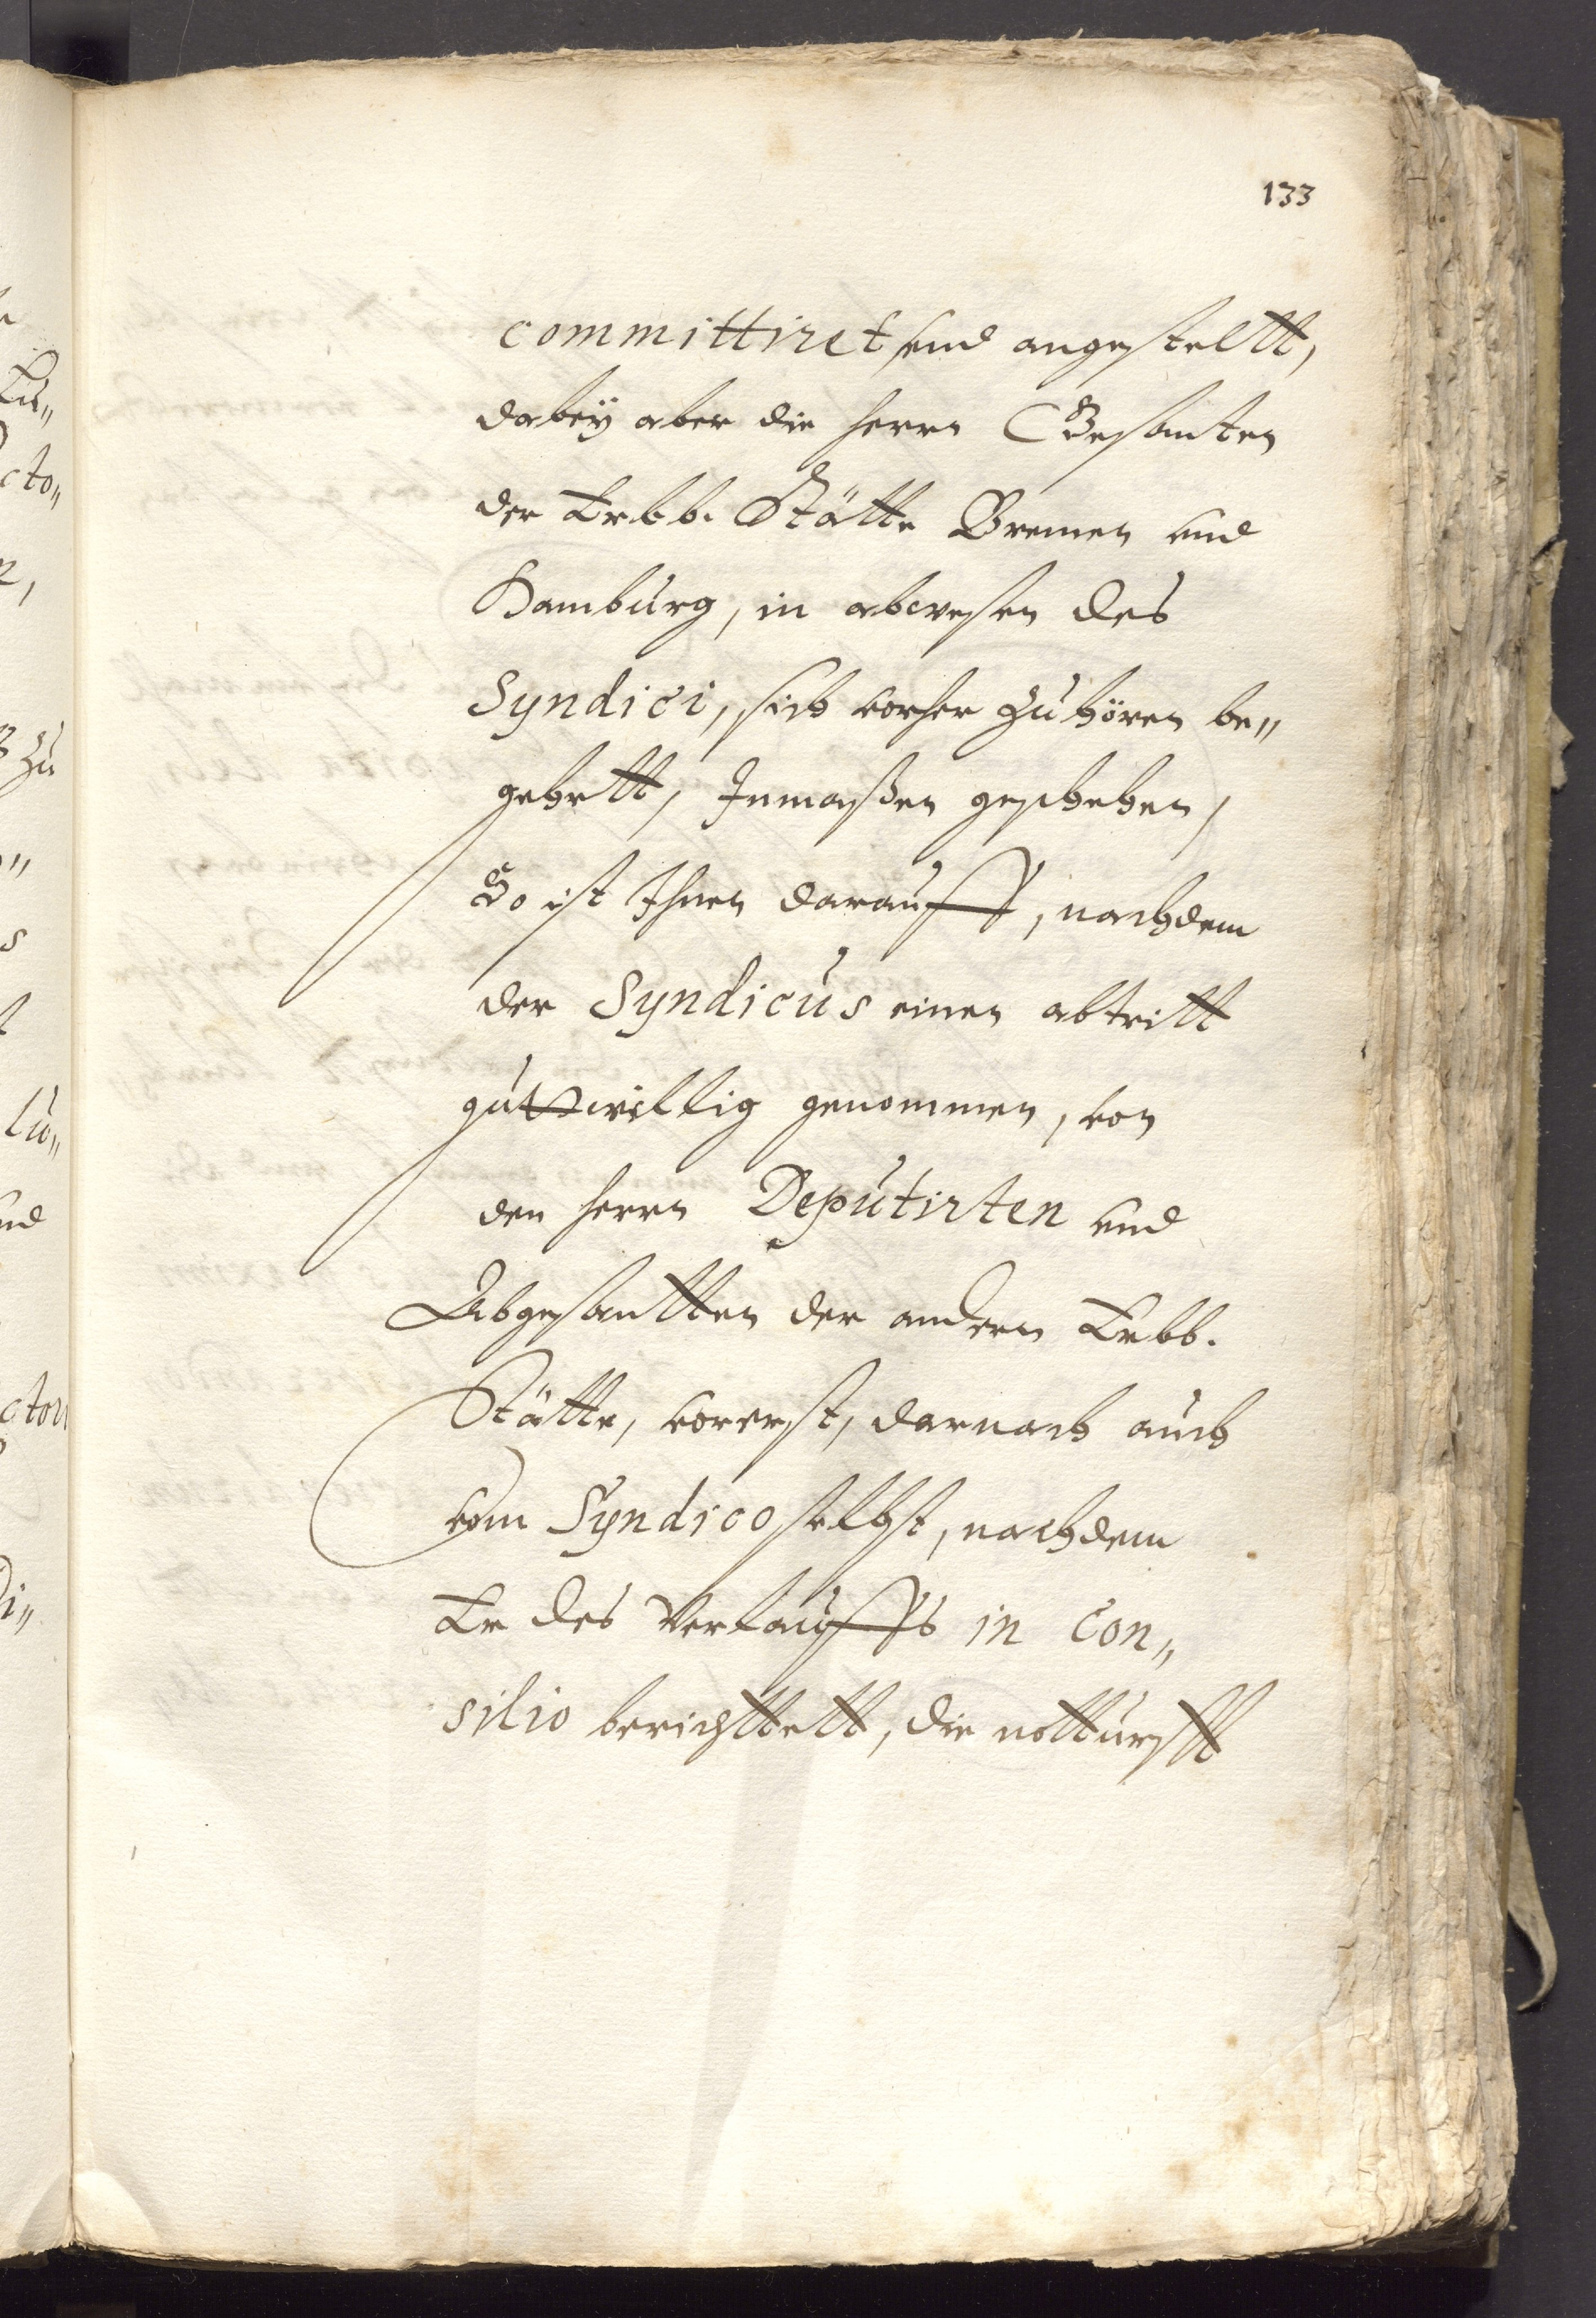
133
commitiret vnd angesteltt,
dabeij aber die herrn Gesanten
der Erbb. Stätte Bremen vnd
Hamburg, in abwesen des
Syndici, sich vorher zu hören be¬
gebett, Jnmaßen geschehen,
So ist Ihnen darauff, nachdem
der Syndicus einen abtritt
guttwillig genommen, von
den herrn Deputirten vnd
Abgesantten der andern Erbb.
Stätte, vorerst, darnach auch
vom Syndico selbst, nachdem
Er des verlauffs in con¬
silio berichttett, die notturft
